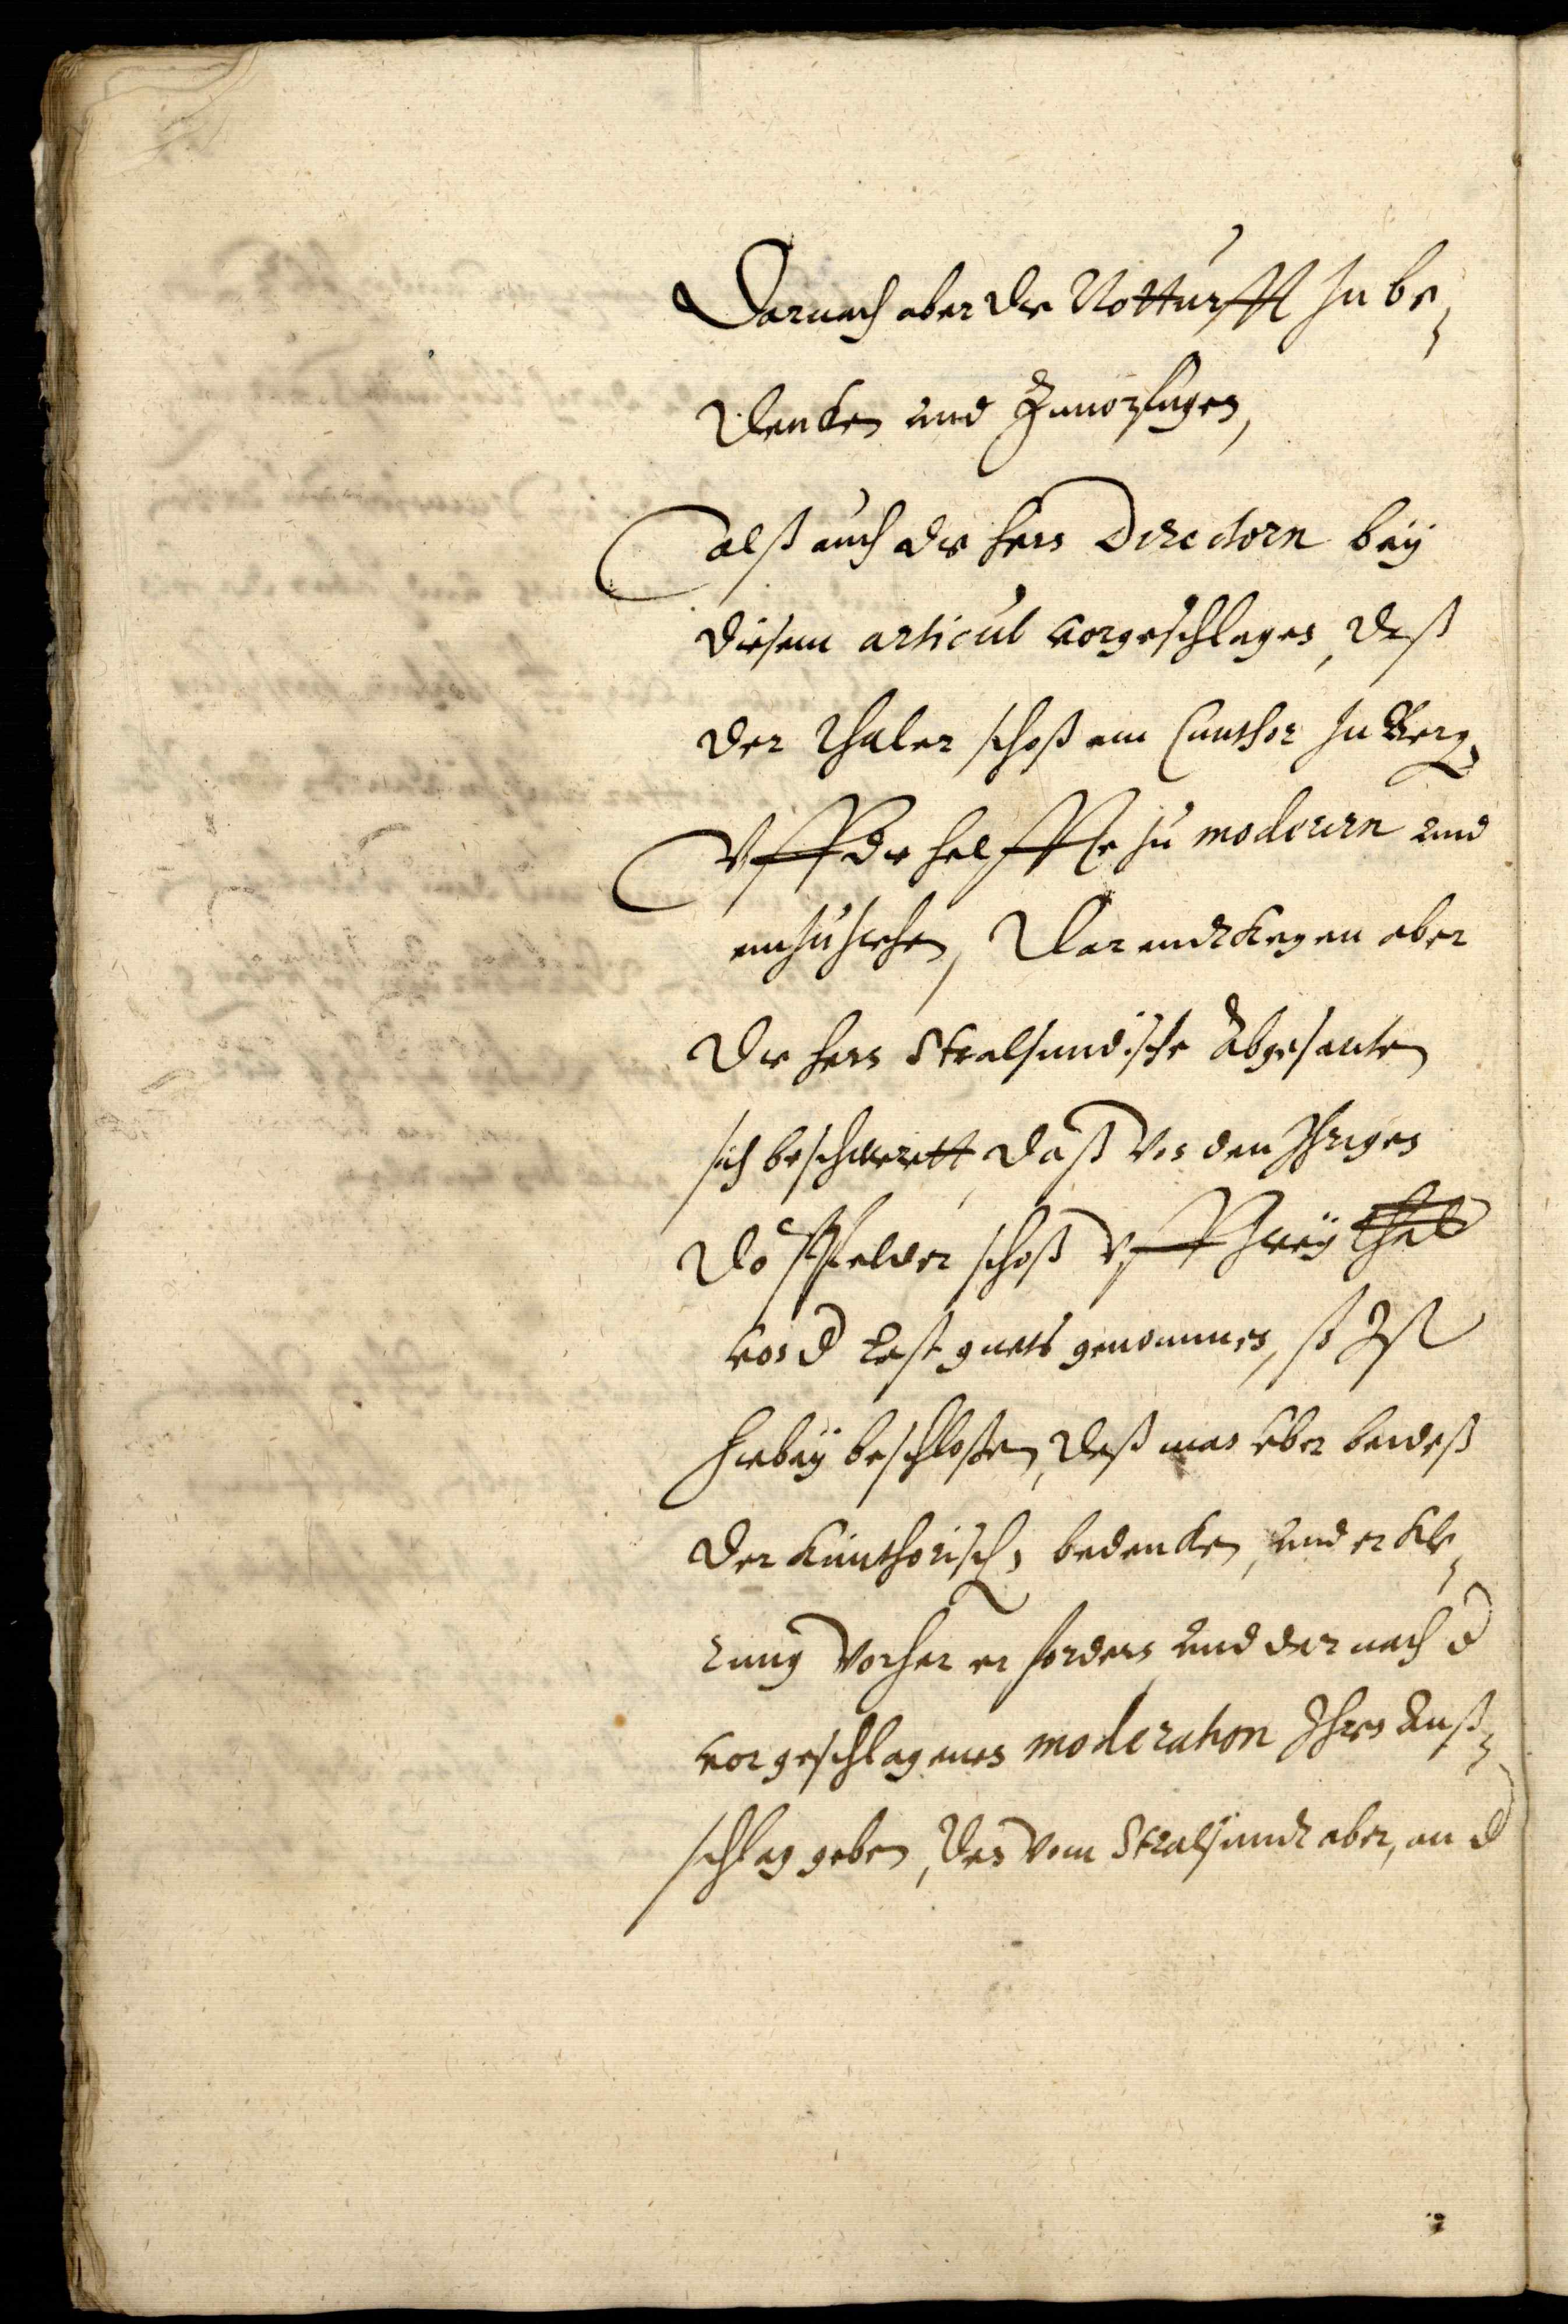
Darnach aber die Notturfft zu be¬
denken vnd zuerfugen,
als auch der hern Directorn beij
disem articul vorgeschlagen, daß
den thaler schloß am Cunthor zu Bergen
vff die helffte zu moderirn vnd
einzuziehen, darendtkegen aber
die hern Stralsundische Abgesanten
sich beschweret, daß von den Ihrigen
soppeldr schloß vff zweij thaler
von der last guets genommen, so Ist
hierbeij beschloßen, daß man ber beideß
den kunthorischen bedenken vnd erkle¬
rung vorher erfordern vnd den auch der
vorgeschlagenen moderation Ihren Auß¬
schlag geben, ??? vom Stralsundt aber, an der
